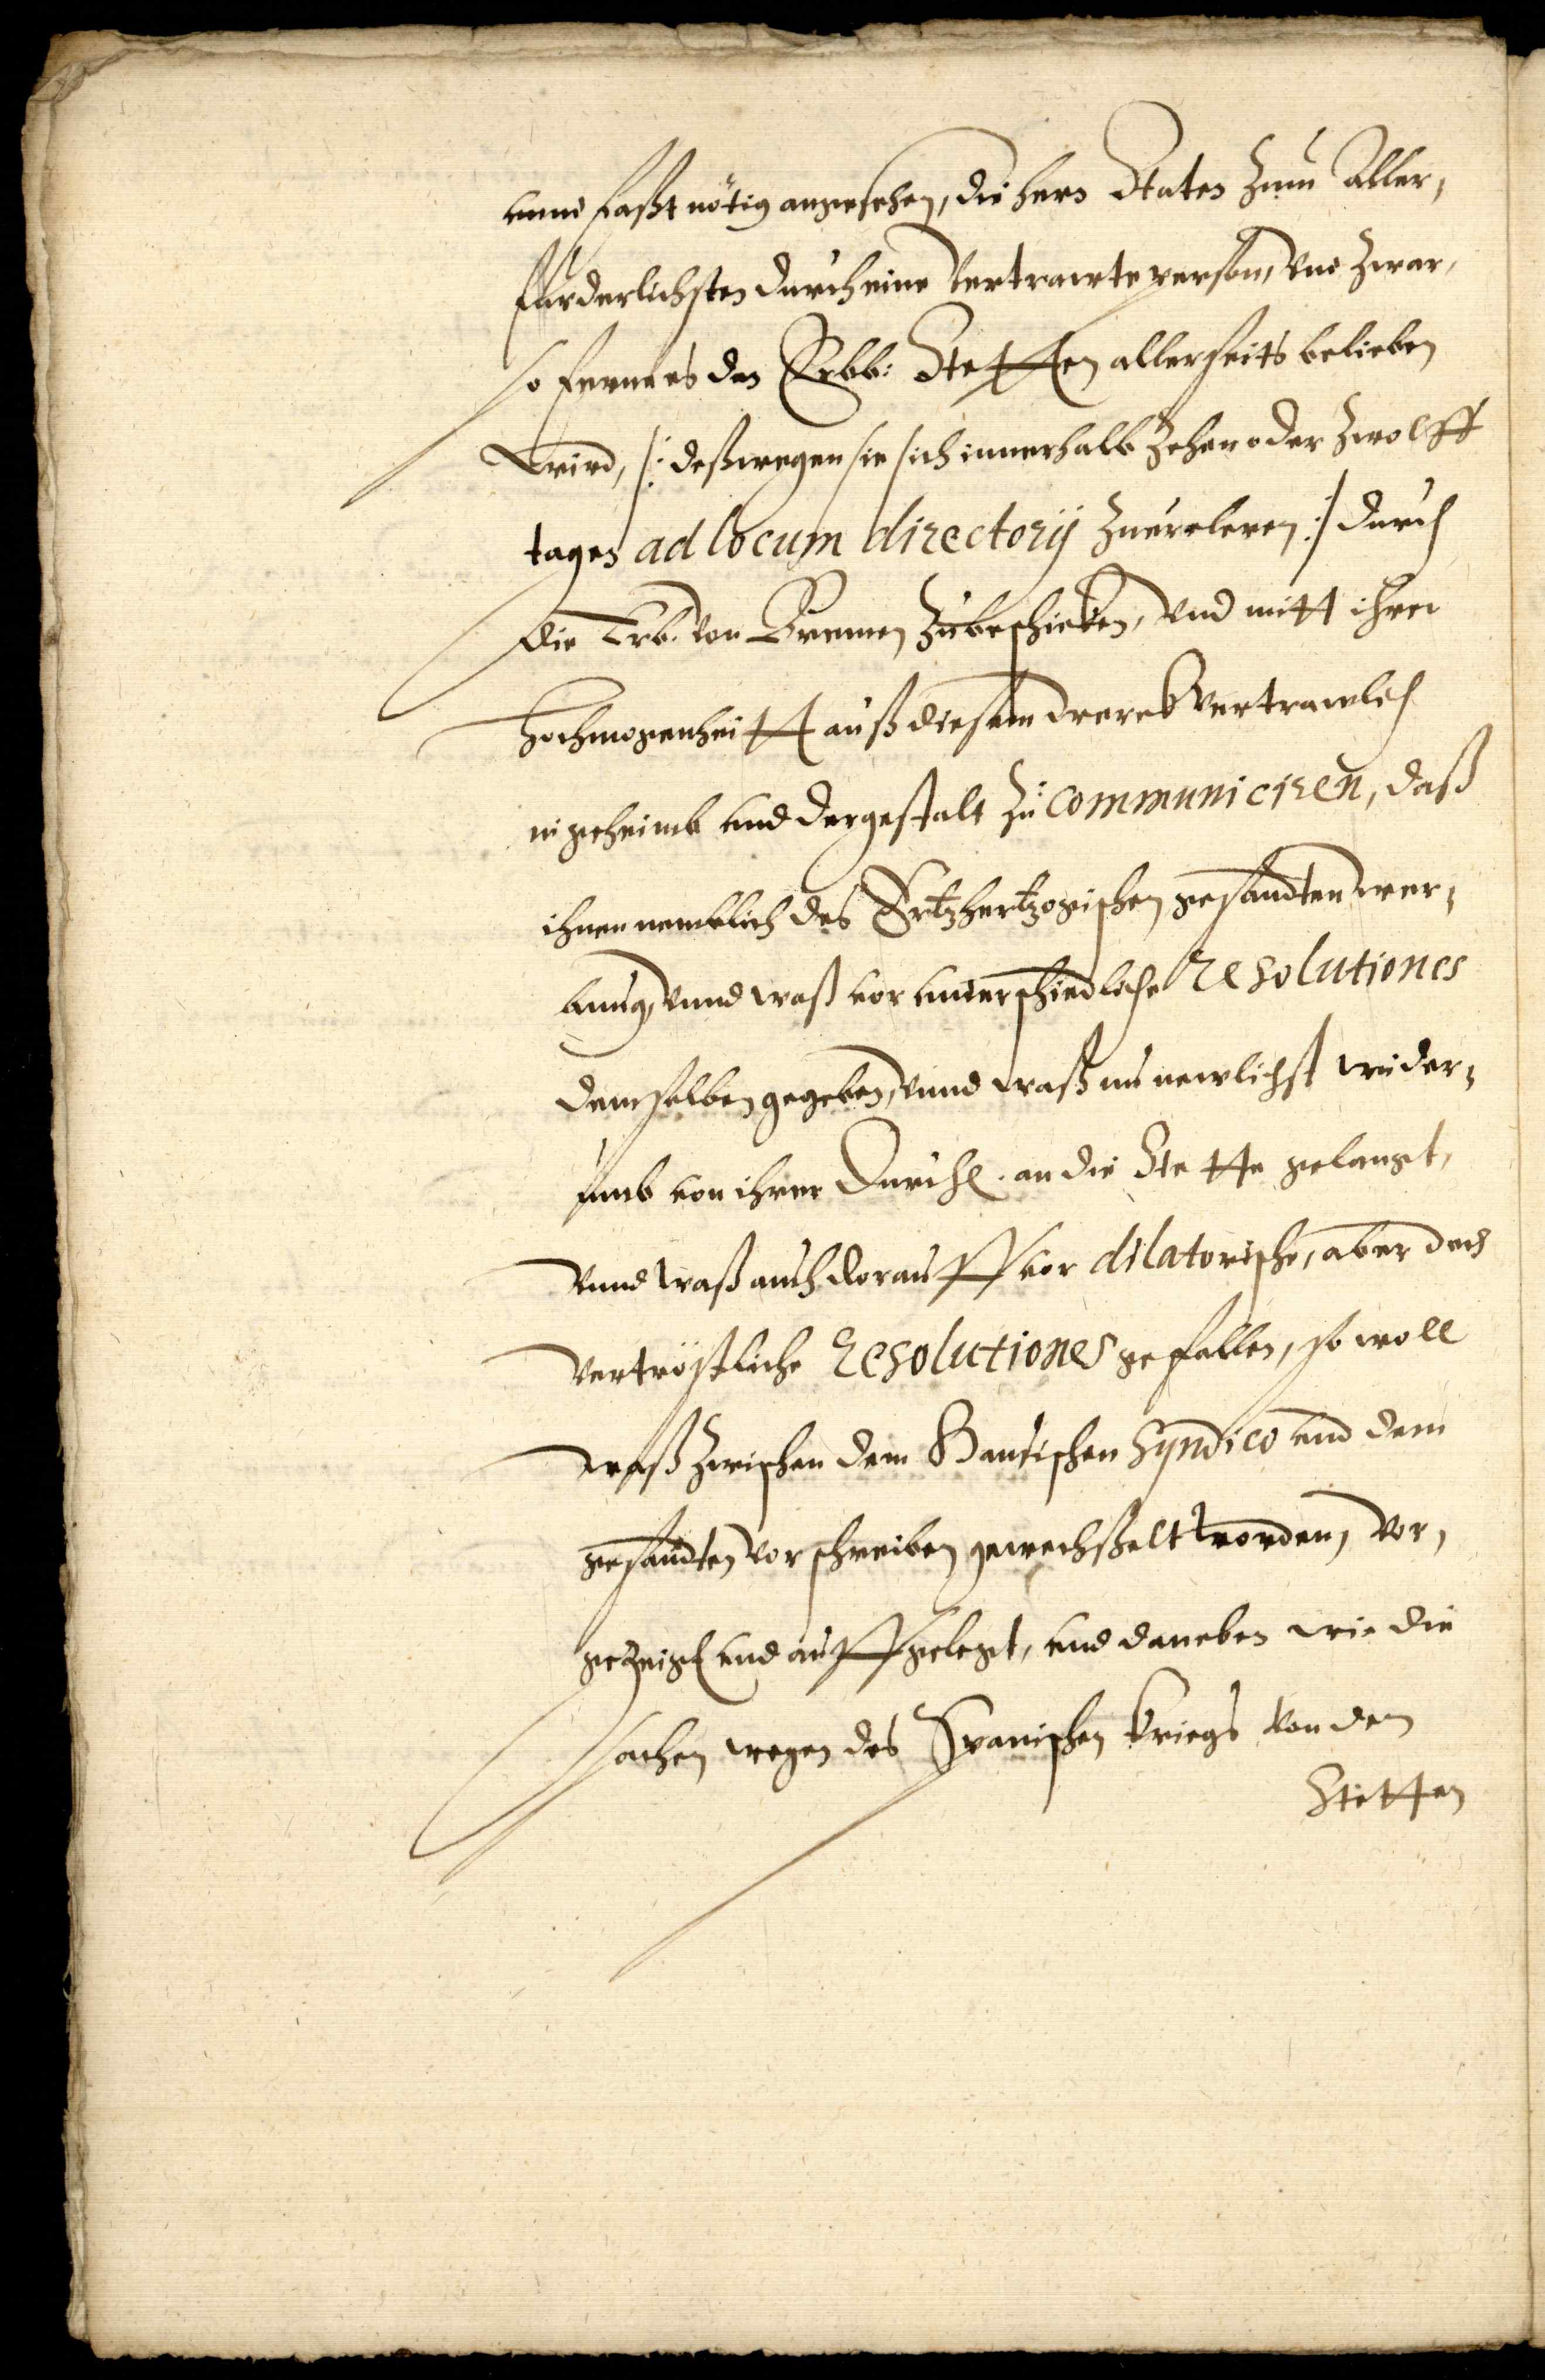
vnnd faßt nötig angesehen, die herrn Staten zum Aller¬
furderlichsten durch eine vertrawte perßon, vnd zwar,
so ferne es den Erbb: Stetten allerseits belieben
wird, /: deßwegen sie sich innerhalb zehen oder zwolff
tagen ad locum directorij zuercleren :/ durch
die Erb. von Bremen zu beschicken, vnd mitt ihrer
hochmogenheitt auß diesem werck vertrawlich
in geheimb vnd dergestalt zu communiciren, daß
ihnen nemblich des Ertzhertzogischen gesandten wer¬
bung, vnnd waß vor vnderschiedliche resolutiones
demselben gegeben, vnnd waß nu newslichst wider¬
umb von ihrer Durchl. an die Stette gelangt,
vnnd waß auch dorauff vor dilatorische, aber doch
vertröstliche resolutiones gefallen, so woll
waß zwischen dem Hansischen Syndico vnd dem
gesandten vor schreiben gewechßelt worden, vor¬
gezeigt vnd auffgelegt, vnd daneben wie die
sachen wegen des Spanischen Kriegs von den
Stetten
